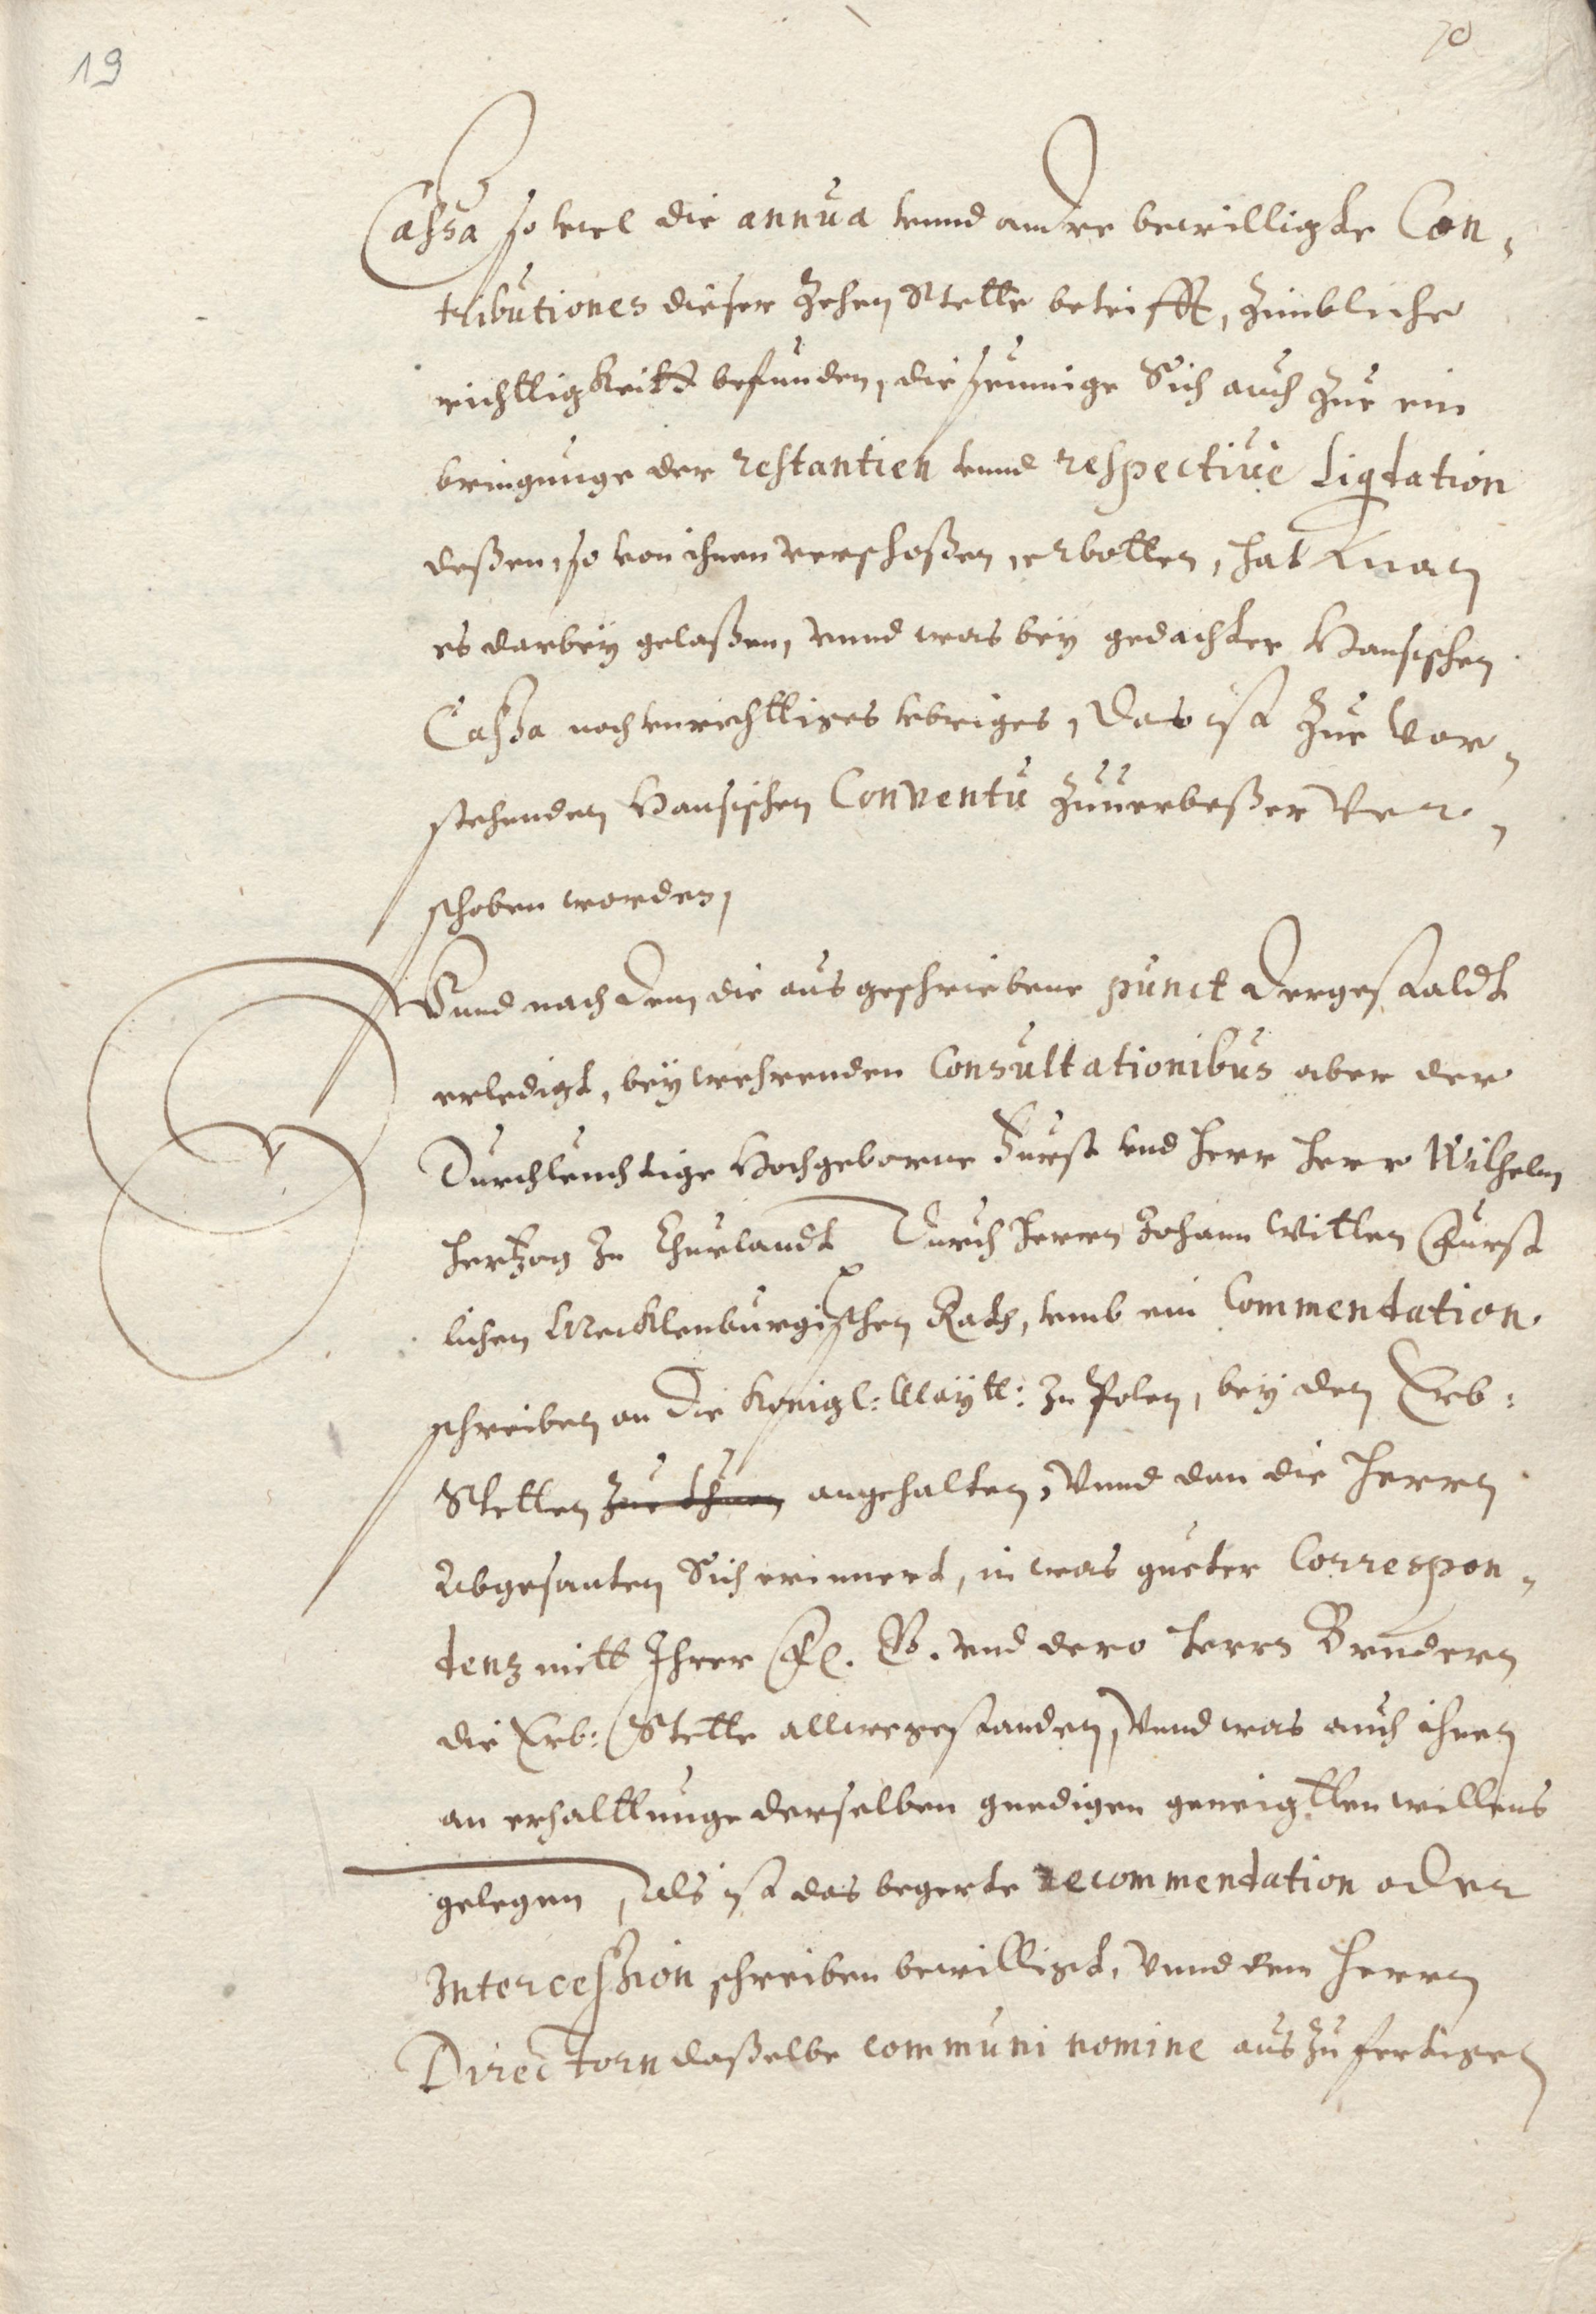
10
Cassa so viel die annua vnnd andre bewilligte Con¬
tributiones dieser zehen Stette betrifft, zimbliche
richttigkeitt befunden, die seumige Sich auch zue ein
bringunge der restantien vnnd respectiue Liquidation
deßen, so von ihnen verschoßen, erbotten, hat man
es darbeij gelaßen, vnnd was beij gedachter Hansischen
Cassa noch vnrichttiges vbriges, das ist zue vor¬
stehenden Hansischen Conventu zuuerbeßer ver¬
schoben worden,
Vnnd nachdem die ausgeschriebene punct dergestaldt
erledigt, beij wehrenden Consultationibus aber der
Durchleuchtige Hochgeborne Furst vnd herr herr Wilhelm
Hertzog zu Churlandt durch herrn Johann Witten Furst¬
lichen Mecklenburgischen Rath, vmb ein Commendation¬
schreiben an die Konigl: Maijtt: zu Polen, beij den Erb:
Stetten zue thun angehalten, vnnd dan die herrn
Abgesanten Sich erinnert, in was gueter Correspon¬
denz mitt Ihrer Fl. G. vnd dero herrn Brudern
die Erb: Stette allwegestanden, vnnd was auch ihnen
an erhalttunge derselben gnedigen geneigtten willens
gelegen, Als ist das begerte recommendation oder
Intercession schreiben bewilligt, vnnd dem herrn
Directorn daßelbe communi nomine aus zu fertigen
